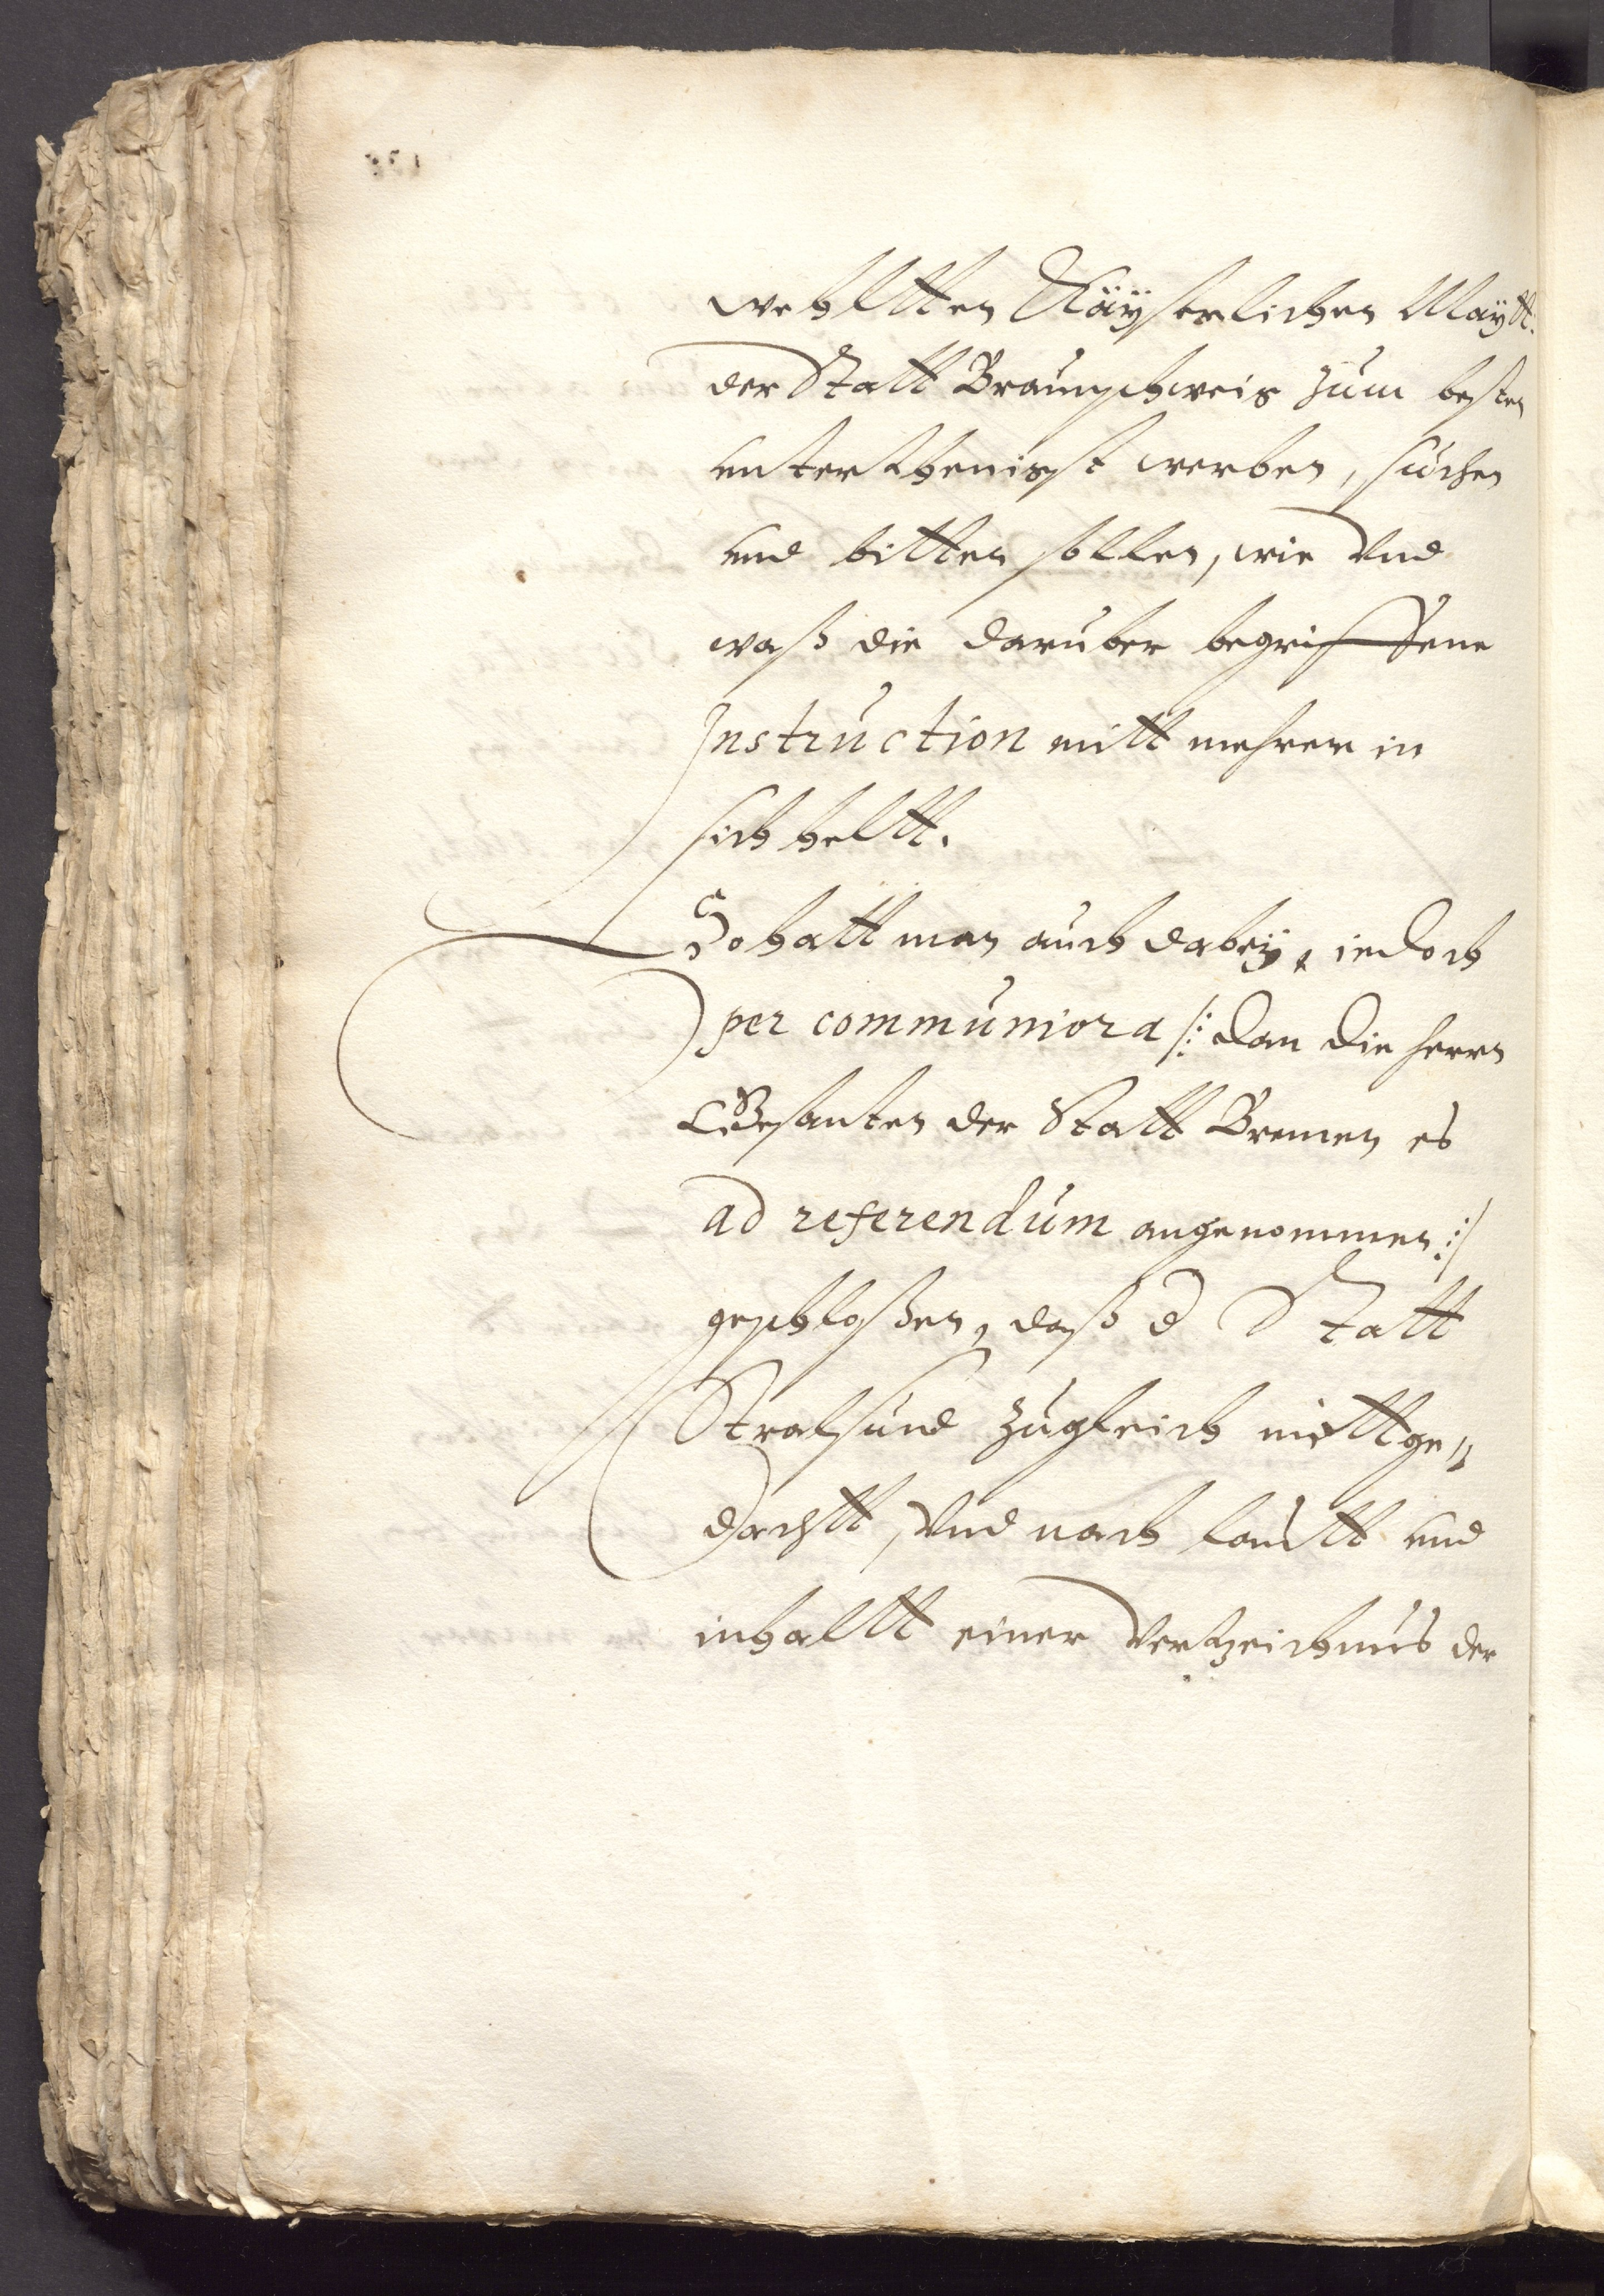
wehltten Käijserlichen Maijtt.
der Statt Braunschweig zum besten
vnterthenigst werben, suchen
vnd bitten sollen, wie vnd
waß die daruber begriffene
Instruction mitt mehrer in
sich heltt.
So hatt man auch dabeij, iedoch
per communiora |: dan die herrn
Gesanten der Statt Bremen es
ad referendum angenommen :|
geschloßen, daß der Statt
Stralsund zugleich mittge¬
dachtt, vnd nach lautt vnd
inhaltt einer vertzeichnus der
